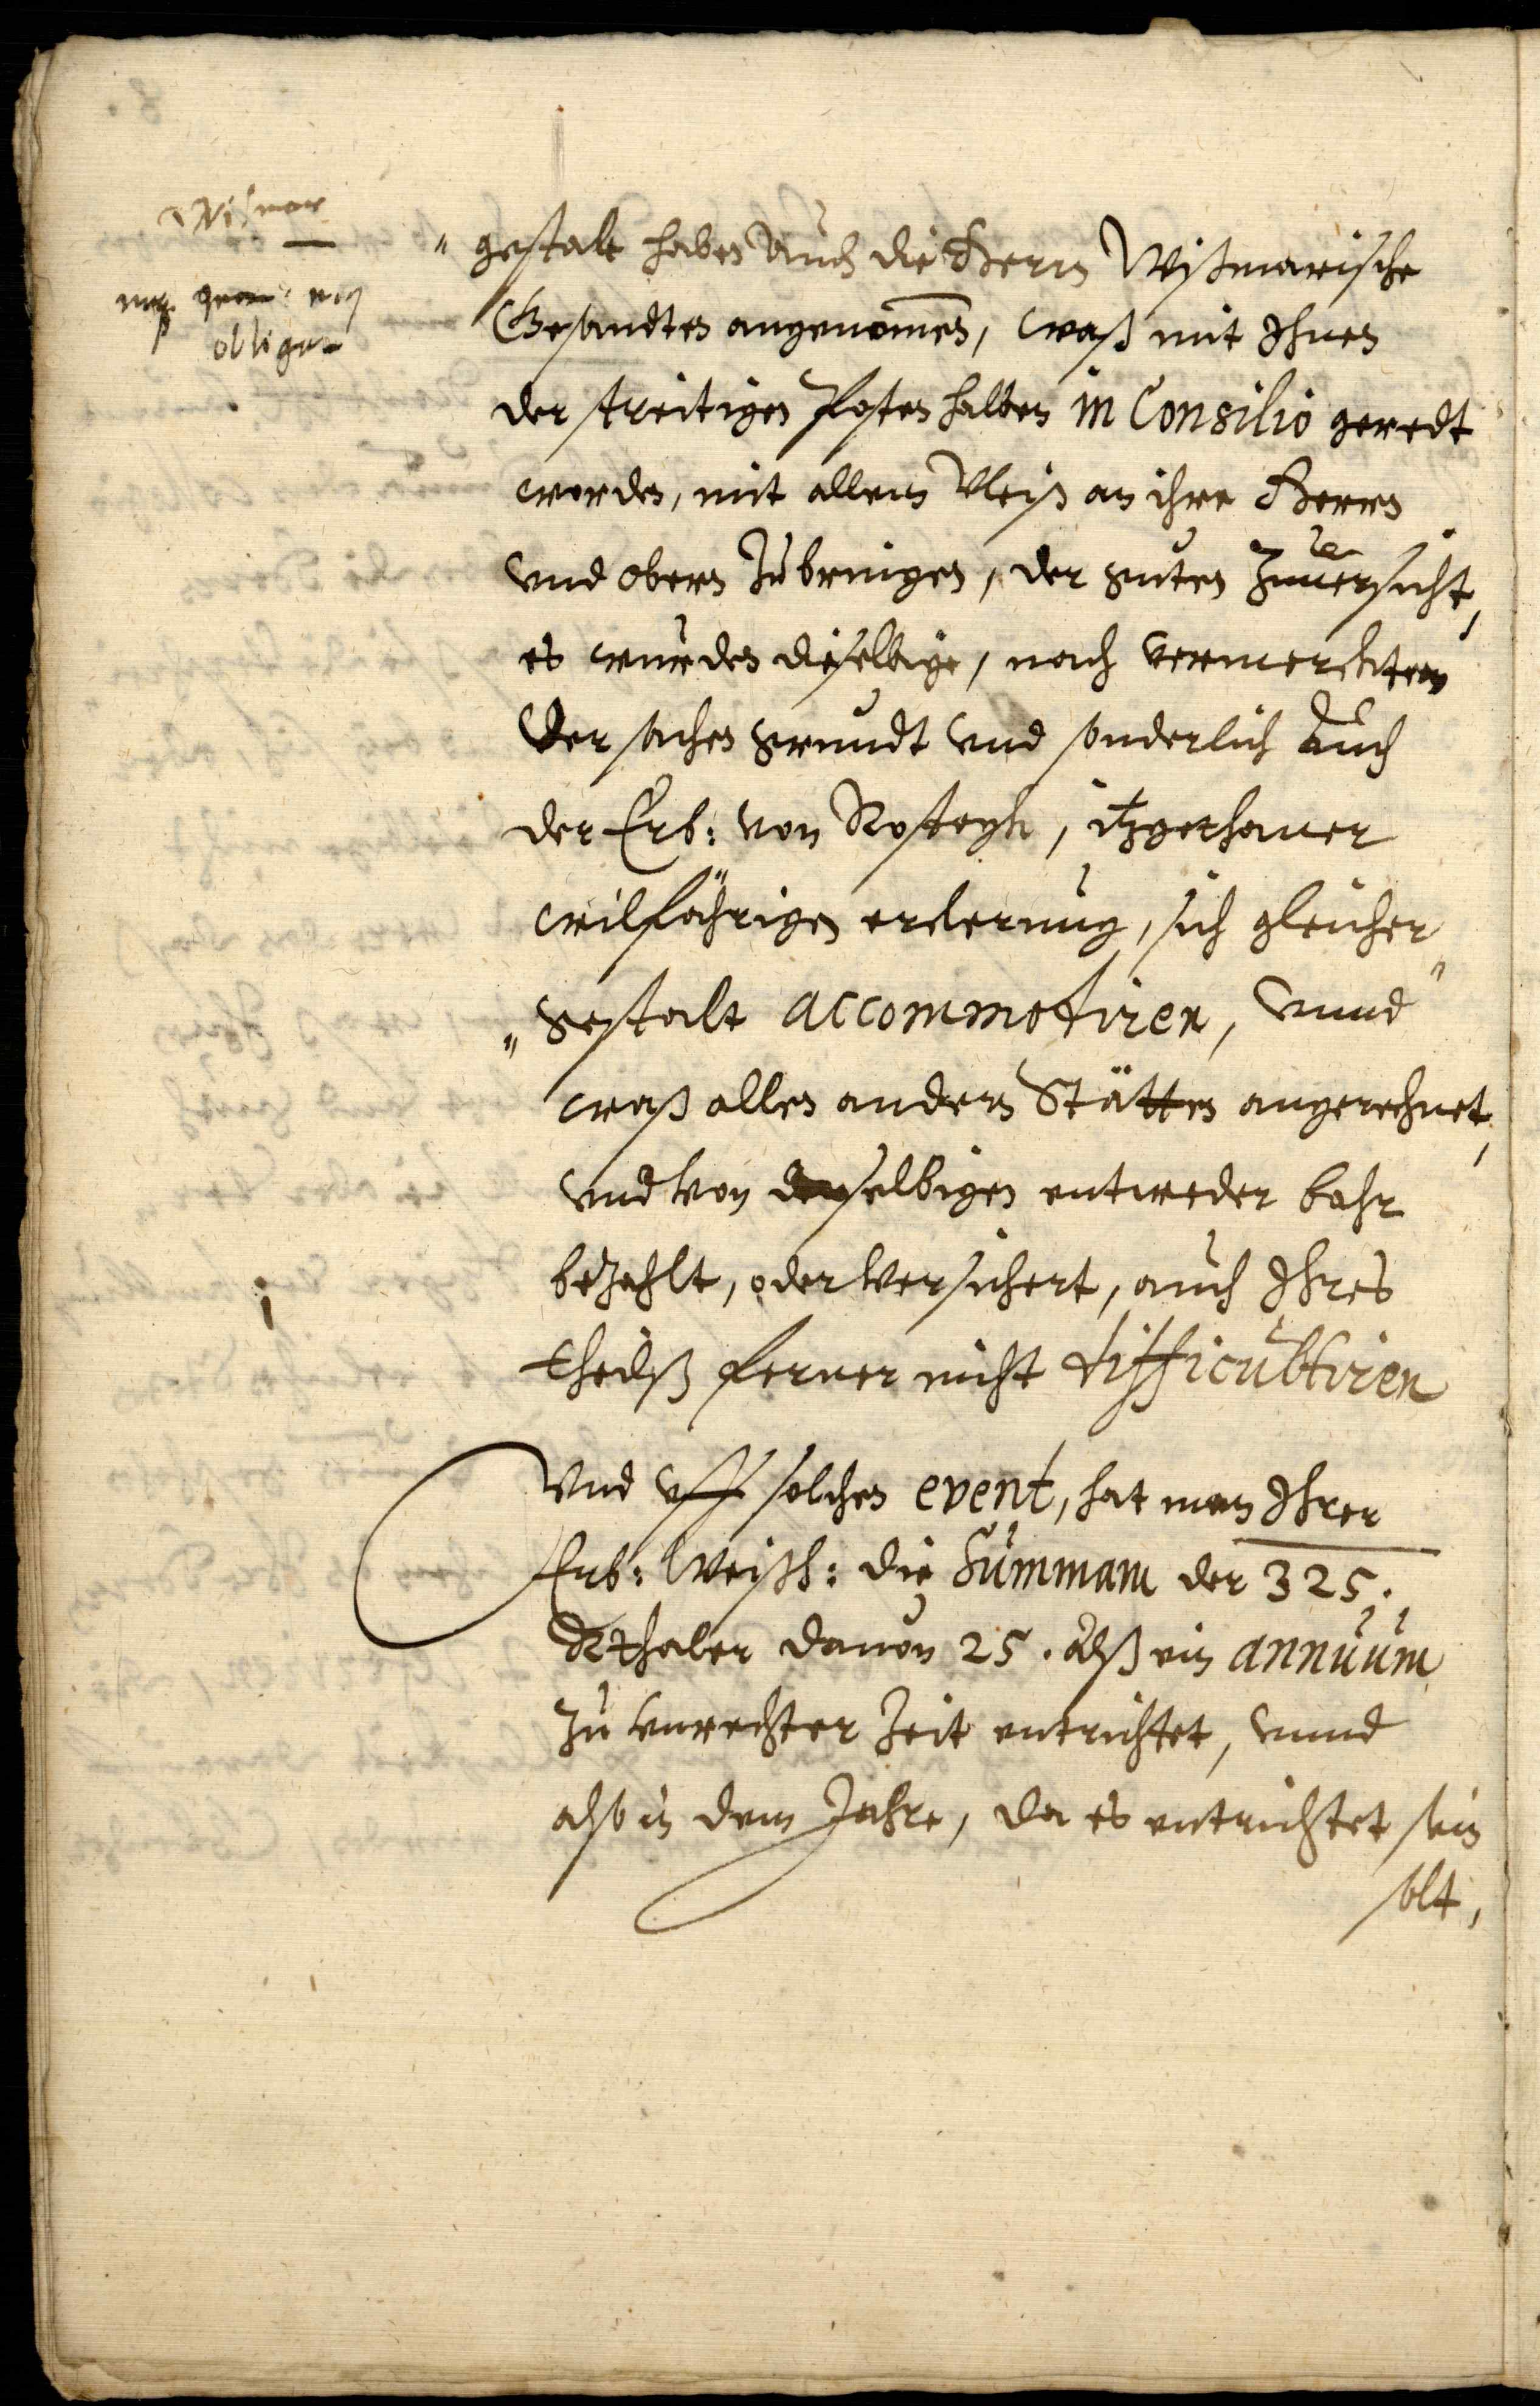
Wismar
neque qem: neq
obligat.
gestalt haben auch die Herrn Wißmarische
Gesandten angenomen, waß mit Ihnen
der streitigen Posten halben in Consilio geredt
worden, mit allem Vleiß an ihre Herrn
vnd obern zu bringen, der guten zuuersicht,
es wurden dieselbige, nach vermerckten
der sachen grundt vnd sonderlich Auch
der Erb: von Rostogk, itzgethaner
wilfährigen erclerung, sich gleicher¬
gestalt accommodiren, vnnd
waß allen andern Stätten angerechnet,
vnd von denselbigen entweder bahr
bezahlt, oder versichert, auch Ihres
theilß ferner nicht difficultiren
Vnd vff solchen event, hat man Ihrer
Erb: Weißh: die Summam der 325.
Rthaler dauon 25. alß ein annuum
zu vnrechter Zeit entrichtet, vnnd
also in dem Jahre, da es entrichtet sein
solt,
